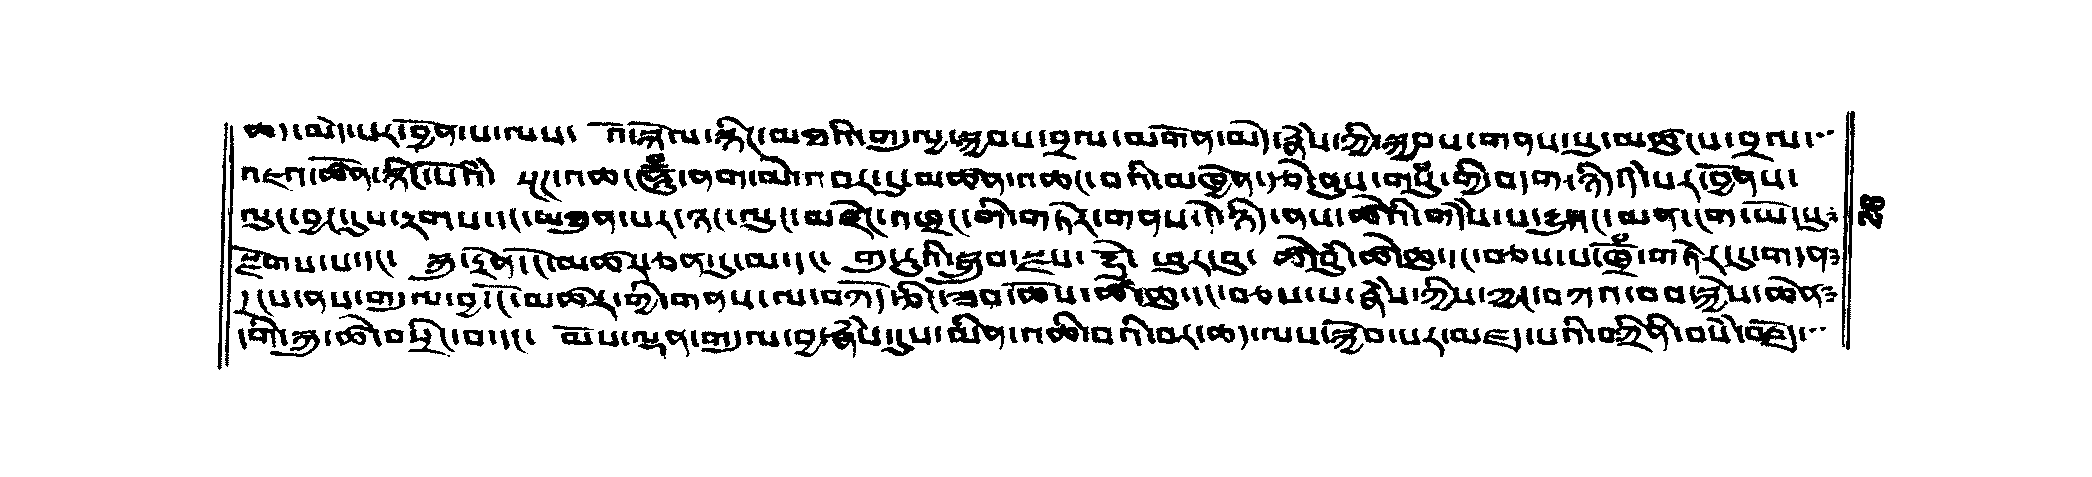ཆད་མེད་པར་བྱོན་པ་ལས། འོ་སྐོལ་སྙིགས་མཐའི་གདུལ་བྱ་སྐབས་བྲལ་མགོན་མེད་རྣམས་ཀྱི་སྐྱབས་གནས་སུ་མཚུངས་བྲལ་
འཇའ་ཚོན་སྙིང་པོའམ། སྔགས་འཆང་ཧཱུྃ་ནག་མེ་འབར་དུ་མཚན་འཆང་བའི་མཁྱེན་རྩེ་ནུས་གསུམ་གྱི་བདག་ཉིད་དམ་པར་བྱོན་ནས་
ལུང་བྱང་དུས་རྟགས་དང་མཐུན་པར་ཉང་ལུང་མཛེང་འཕྲང་གི་གཏེར་གནས་དེ་ཉིད་ནས་ཚེའི་གདམས་པ་རྒྱུ་དང་མན་ངག་ཡོངས་སུ་
རྫོགས་པ་དང་། སྐུ་རྟེན་ངོ་མཚར་ཅན་དུ་མ་དང་། གུ་རུའི་སྒྲུབ་རྫས་རྡོ་རྗེ་ཕུར་བུ། ཚེ་བུམ་ཚེ་ཆུ་དང་བཅས་པ་ཁྲོམ་གཏེར་དུ་གདན་
དྲངས་ནས་གདུལ་བྱ་ངོ་མཚར་གྱི་གནས་ལ་བཀོད་ཅིང་ཟབ་ཆོས་ཚེ་ཆུ་དང་བཅས་པ་རྣམས་ཀྱིས་ཀྱང་བཀའ་བབ་སྐྱེས་ཆེན་
དག་གི་སྐུ་ཚེ་བསྲིང་བ་དང་། མོས་ལྡན་གདུལ་བྱ་རྣམས་དུས་མིན་འཆི་བའི་བར་ཆད་ལས་སྐྱོབ་པར་མཛད་པའི་བཀའ་དྲིན་ནི་བསམ་རྗོད་